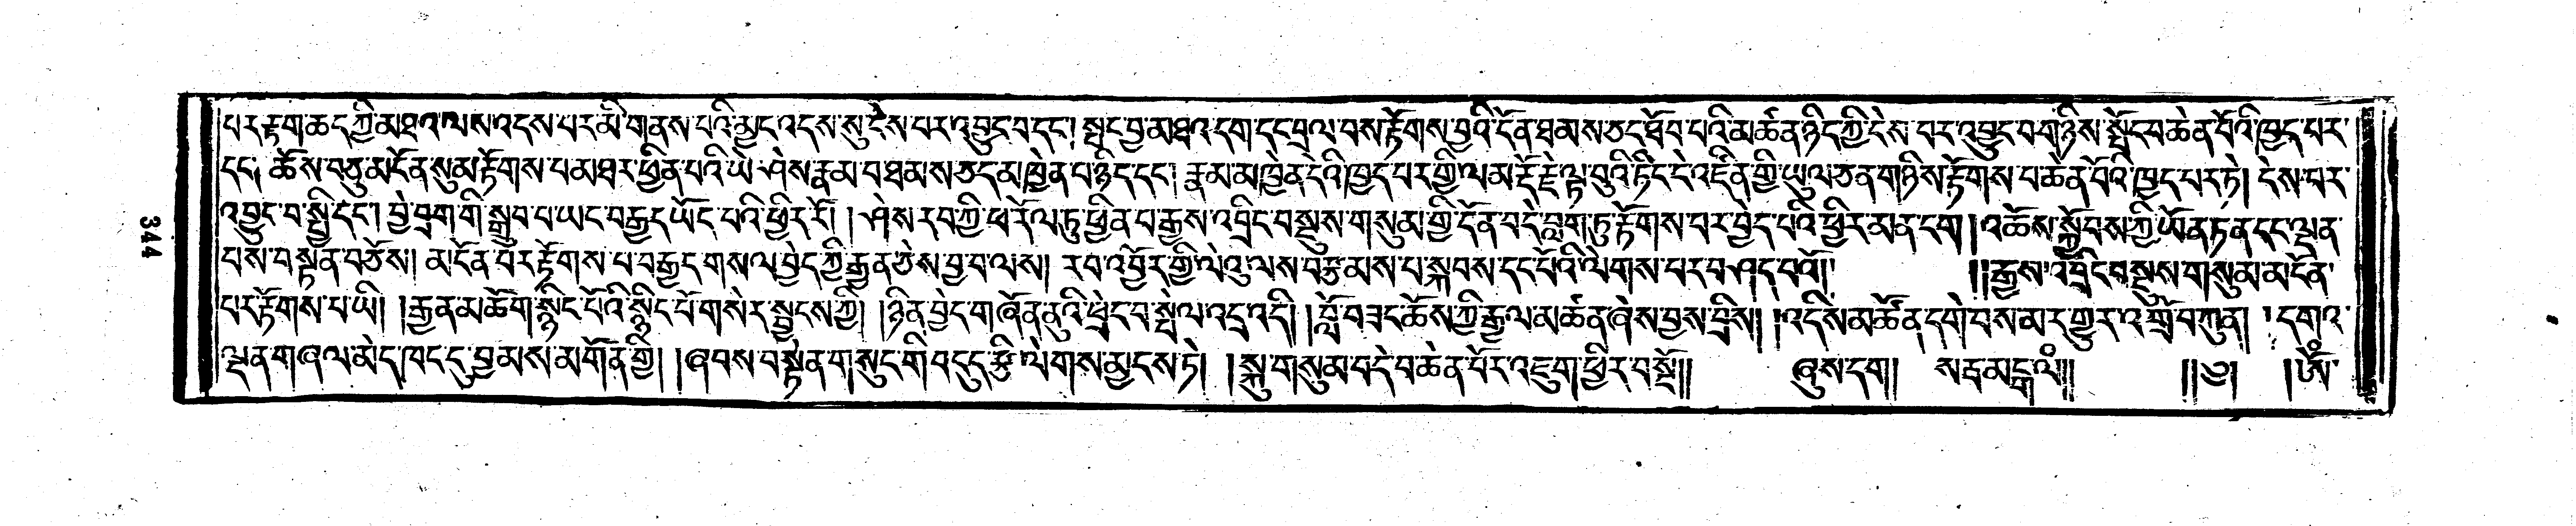པར་རྟག་ཆད་ཀྱི་མཐའ་ལས་འདས་པར་མི་གནས་པའི་མྱང་འདས་སུ་ངེས་པར་འབྱུང་བ་དང་། སྤང་བྱ་མཐའ་དག་དང་བྲལ་བས་རྟོགས་བྱའི་དོན་ཐམས་ཅད་ཐོབ་པའི་མཚན་ཉིད་ཀྱི་ངེས་པར་འབྱུང་བ་གཉིས་སྤོང་བ་ཆེན་པོའི་ཁྱད་པར་
དང༑ ཆོས་བཅུ་མངོན་སུམ་རྟོགས་པ་མཐར་ཕྱིན་པའི་ཡེ་ཤེས་རྣམ་པ་ཐམས་ཅད་མཁྱེན་པ་ཉིད་དང་། རྣམ་མཁྱེན་དེའི་ཁྱད་པར་གྱི་ལམ་རྡོ་རྗེ་ལྟ་བུའི་ཏིང་ངེ་འཛིན་གྱི་ཡུལ་ཅན་གཉིས་རྟོགས་པ་ཆེན་པོའི་ཁྱད་པར་ཏེ། ངེས་པར་
འབྱུང་བ་སྤྱི་དང་། བྱེ་བྲག་གི་སྒྲུབ་པ་ཡང་བརྒྱད་ཡོད་པའི་ཕྱིར་རོ། །ཤེས་རབ་ཀྱི་ཕ་རོལ་ཏུ་ཕྱིན་པ་རྒྱས་འབྲིང་བསྡུས་གསུམ་གྱི་དོན་བདེ་བླག་ཏུ་རྟོགས་པར་བྱེད་པའི་ཕྱིར་མན་ངག །འཆོས་སྐྱོབས་ཀྱི་ཡོན་ཏན་དང་ལྡན་
པས་བསྟན་བཅོས། མངོན་པར་རྟོགས་པ་བརྒྱད་གསལ་བྱེད་ཀྱི་རྒྱན་ཅེས་བྱ་བ་ལས། རབ་འབྱོར་གྱི་ལེའུ་ལས་བརྩམས་པ་སྐབས་དང་པོའི་ལེགས་པར་བཤད་པའོ།། །།རྒྱས་འབྲིང་བསྡུས་གསུམ་མངོན་
པར་རྟོགས་པ་ཡི། །རྒྱན་མཆོག་སྙིང་པོའི་སྙིང་པོ་གསེར་སྦྱངས་ཀྱི། །ཉིན་བྱེད་གཞོན་ནུའི་ཕྲེང་བ་སྤེལ་འདྲ་འདི། །བློ་བཟང་ཆོས་ཀྱི་རྒྱལ་མཚན་ཞེས་བྱས་བྲིས། །འདིས་མཚོན་དགེ་བས་མར་གྱུར་འགྲོ་བ་ཀུན། །དགའ་
ལྡན་གཞལ་མེད་ཁང་དུ་བྱམས་མགོན་གྱི། །ཞབས་བསྟེན་གསུང་གི་བདུད་རྩི་ལེགས་མྱངས་ཏེ། །སྐུ་གསུམ་བདེ་བ་ཆེན་པོར་འཇུག་ཕྱིར་བསྔོ།། ཞུས་དག །སརྦ་མངྒ་ལཾ།། །།༄༅།། །ཨོཾ་